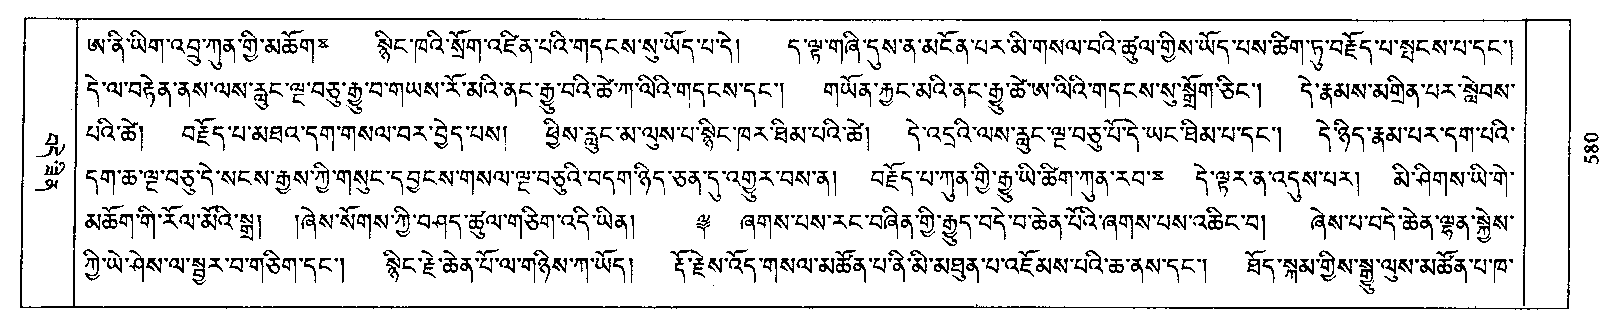ཨ་ནི་ཡིག་འབྲུ་ཀུན་གྱི་མཆོག་྾་སྙིང་ཁའི་སྲོག་འཛིན་པའི་གདངས་སུ་ཡོད་པ་དེ། ད་ལྟ་གཞི་དུས་ན་མངོན་པར་མི་གསལ་བའི་ཚུལ་གྱིས་ཡོད་པས་ཚིག་ཏུ་བརྗོད་པ་སྤངས་པ་དང་།
དེ་ལ་བརྟེན་ནས་ལས་རླུང་ལྔ་བཅུ་རྒྱུ་བ་གཡས་རོ་མའི་ནང་རྒྱུ་བའི་ཚེ་ཀ་ལིའི་གདངས་དང་། གཡོན་རྐྱང་མའི་ནང་རྒྱུ་ཚེ་ཨ་ལིའི་གདངས་སུ་སྒྲོག་ཅིང་། དེ་རྣམས་མགྲིན་པར་སླེབས་
པའི་ཚེ། བརྗོད་པ་མཐའ་དག་གསལ་བར་བྱེད་པས། ཕྱིས་རླུང་མ་ལུས་པ་སྙིང་ཁར་ཐིམ་པའི་ཚེ། དེ་འདྲའི་ལས་རླུང་ལྔ་བཅུ་པོ་དེ་ཡང་ཐིམ་པ་དང་། དེ་ཉིད་རྣམ་པར་དག་པའི་
དག་ཆ་ལྔ་བཅུ་དེ་སངས་རྒྱས་ཀྱི་གསུང་དབྱངས་གསལ་ལྔ་བཅུའི་བདག་ཉིད་ཅན་དུ་འགྱུར་བས་ན། བརྗོད་པ་ཀུན་གྱི་རྒྱུ་ཡི་ཚིག་ཀུན་རབ་྾་དེ་ལྟར་ན་འདུས་པར། མི་ཤིགས་ཡི་གེ་
མཆོག་གི་རོལ་མོའི་སྒྲ། །ཞེས་སོགས་ཀྱི་བཤད་ཚུལ་གཅིག་འདི་ཡིན། ༈ ཞགས་པས་རང་བཞིན་གྱི་རྒྱུད་བདེ་བ་ཆེན་པོའི་ཞགས་པས་འཆིང་བ། ཞེས་པ་བདེ་ཆེན་ལྷན་སྐྱེས་
ཀྱི་ཡེ་ཤེས་ལ་སྦྱར་བ་གཅིག་དང་། སྙིང་རྗེ་ཆེན་པོ་ལ་གཉིས་ཀ་ཡོད། རྡོ་རྗེས་འོད་གསལ་མཚོན་པ་ནི་མི་མཐུན་པ་འཇོམས་པའི་ཆ་ནས་དང་། ཐོད་སྐམ་གྱིས་སྒྱུ་ལུས་མཚོན་པ་ཁ་